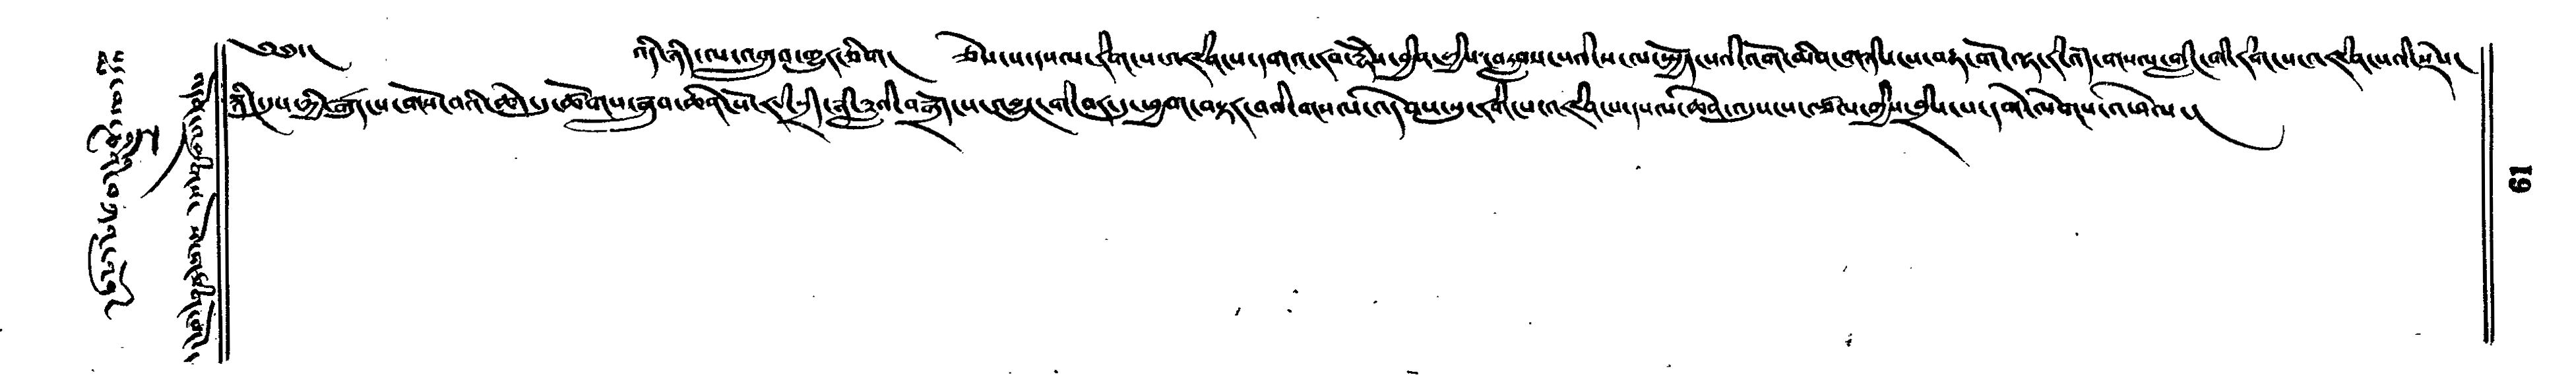འདི་ཉིད་ལ་འགྲུབ་གྱུར་ཅིག །ཅེས་པ་དཔལ་རིག་པ་འཛིན་པ་དགའ་རབ་རྡོ་རྗེས་བྱིན་གྱིས་བརླབས་པའི་ས་ལ་སྤྱོད་པའི་འོག་མིན་གཉིས་པ་བརྡ་གོ་ལྷ་རི་འོད་གསལ་གླིང་གི་རིག་པ་འཛིན་པའི་སྡེས། 
སྙིགས་དུས་ཀྱི་རྒུད་པ་གསོ་བའི་ཆེད་དུ་ཚོགས་སྒྲུབ་ཆེན་པོ་ཇི་སྲིད་ཉི་ཟླའི་བགྲོད་པ་མ་འབྱུང་གི་བར་དུ་ཕྱག་བསྟར་བའི་གསོལ་འདེབས་སུ་རིག་པ་འཛིན་པ་དཔལ་ཆེན་འདུས་ཆེན་འདུས་པ་རྩལ་གྱིས་བྲིས་པ་དགེ་ལེགས་འཕེལ།། དགེའོ།།